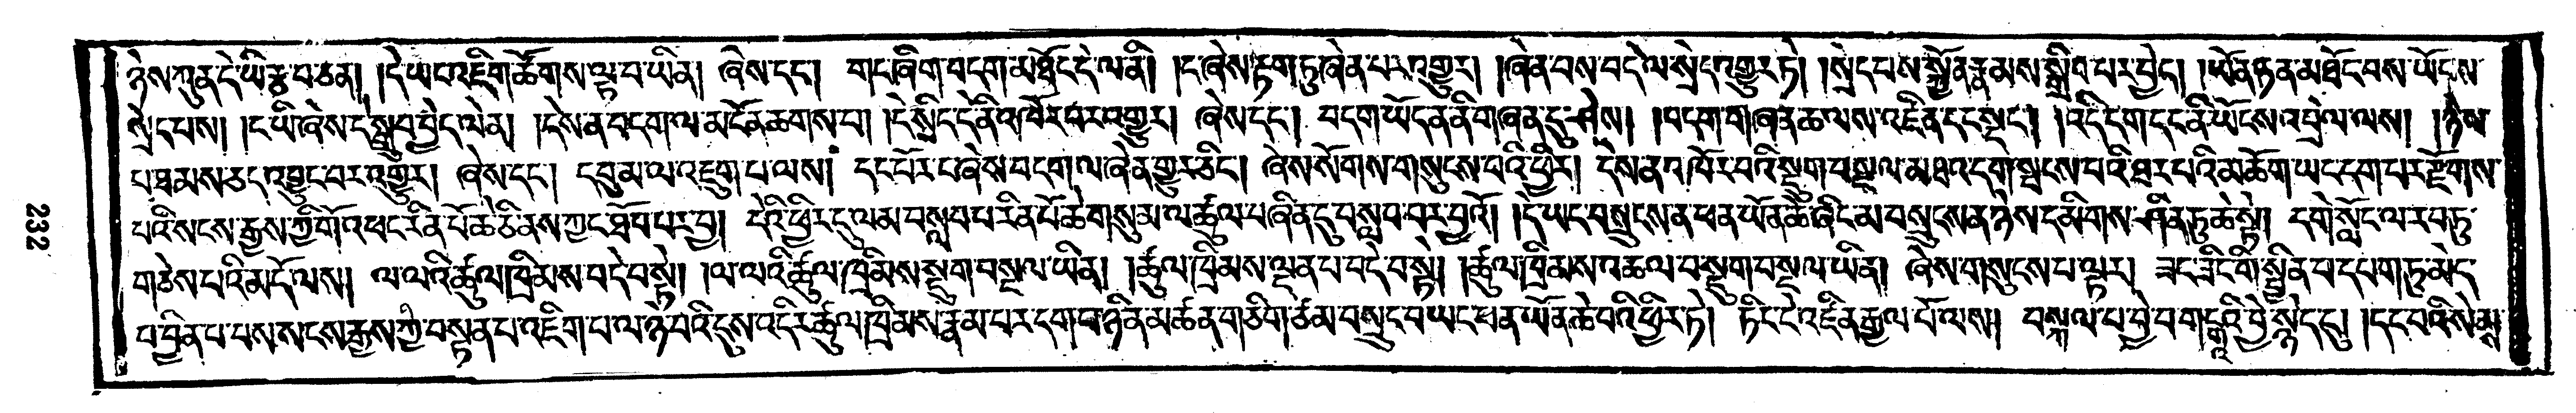ཉེས་ཀུན་དེ་ཡི་རྩ་བ་ཅན། །དེ་ཡང་འཇིག་ཚོགས་ལྟ་བ་ཡིན། ཞེས་དང་། གང་ཞིག་བདག་མཐོང་དེ་ལ་ནི། །ད་ཞེས་རྟག་ཏུ་ཞེན་པར་འགྱུར། །ཞེན་བས་བདེ་ལ་སྲེད་འགྱུར་ཏེ། །སྲེད་པས་སྐྱོན་རྣམས་སྒྲིབ་པར་བྱེད། །ཡོན་ཏན་མཐོང་བས་ཡོངས་
སྲེད་པས། །ང་ཡི་ཞེས་དེ་སྒྲུབ་བྱེད་ལེན། །དེས་ན་བདག་ལ་མངོན་ཆགས་པ། །དེ་སྲིད་དེ་ནི་འཁོར་བར་འགྱུར། ཞེས་དང་། བདག་ཡོད་ན་ནི་གཞན་དུ་ཤེས། །བདག་གཞན་ཆ་ལས་འཛིན་དང་སྡང་། །འདི་དག་དང་ནི་ཡོངས་འབྲེལ་ལས། །ཉེས་
པ་ཐམས་ཅད་འབྱུང་བར་འགྱུར། ཞེས་དང་། དབུ་མ་ལ་འཇུག་པ་ལས། དང་པོར་ང་ཞེས་བདག་ལ་ཞེན་གྱུར་ཅིང་། ཞེས་སོགས་གསུངས་པའི་ཕྱིར། དེས་ན་འཁོར་བའི་སྡུག་བསྔལ་མཐའ་དག་སྤངས་བའི་ཐར་པའི་མཆོག་ཡང་དག་པར་རྫོགས་
པའི་སངས་རྒྱས་ཀྱི་གོ་འཕང་རིན་པོ་ཆེ་ཅི་ནས་ཀྱང་ཐོབ་པར་བྱ། དེའི་ཕྱིར་དུ་ལམ་བསླབ་པ་རིན་པོ་ཆེ་གསུམ་ལ་ཚུལ་བཞིན་དུ་བསླབ་བར་བྱའོ། །དེ་ཡང་བསྲུངས་ན་ཕན་ཡོན་ཆེ་ཞིང་མ་བསྲུངས་ན་ཉེས་དམིགས་ཤིན་ཏུ་ཆེ་སྟེ། དགེ་སློང་ལ་རབ་ཏུ་
གཅེས་པའི་མདོ་ལས། ལ་ལའི་ཚུལ་ཁྲིམས་བདེ་བ་སྟེ། །ལ་ལའི་ཚུལ་ཁྲིམས་སྡུག་བསྔལ་ཡིན། །ཚུལ་ཁྲིམས་ལྡན་པ་བདེ་བ་སྟེ། །ཚུལ་ཁྲིམས་འཆལ་བ་སྡུག་བསྔལ་ཡིན། ཞེས་གསུངས་པ་ལྟར། ཟང་ཟིང་གི་སྤྱིན་བ་དཔག་ཏུ་མེད་
བ་བྱིན་པ་པས་སངས་རྒྱས་ཀྱི་བསྟན་པ་འཇིག་པ་ལ་ཉེ་བའི་དུས་འདིར་ཚུལ་ཁྲིམས་རྣམ་པར་དག་བ་ཉིན་མཚན་གཅིག་ཙམ་བསྲུང་བ་ཡང་ཕན་ཡོན་ཆེ་བའི་ཕྱིར་ཏེ། ཏིང་ངེ་འཛིན་རྒྱལ་པོ་ལས། བསྐལ་པ་བྱེ་བ་གངྒཱའི་བྱེ་སྙེད་དུ། །དབང་བའི་སེམས་